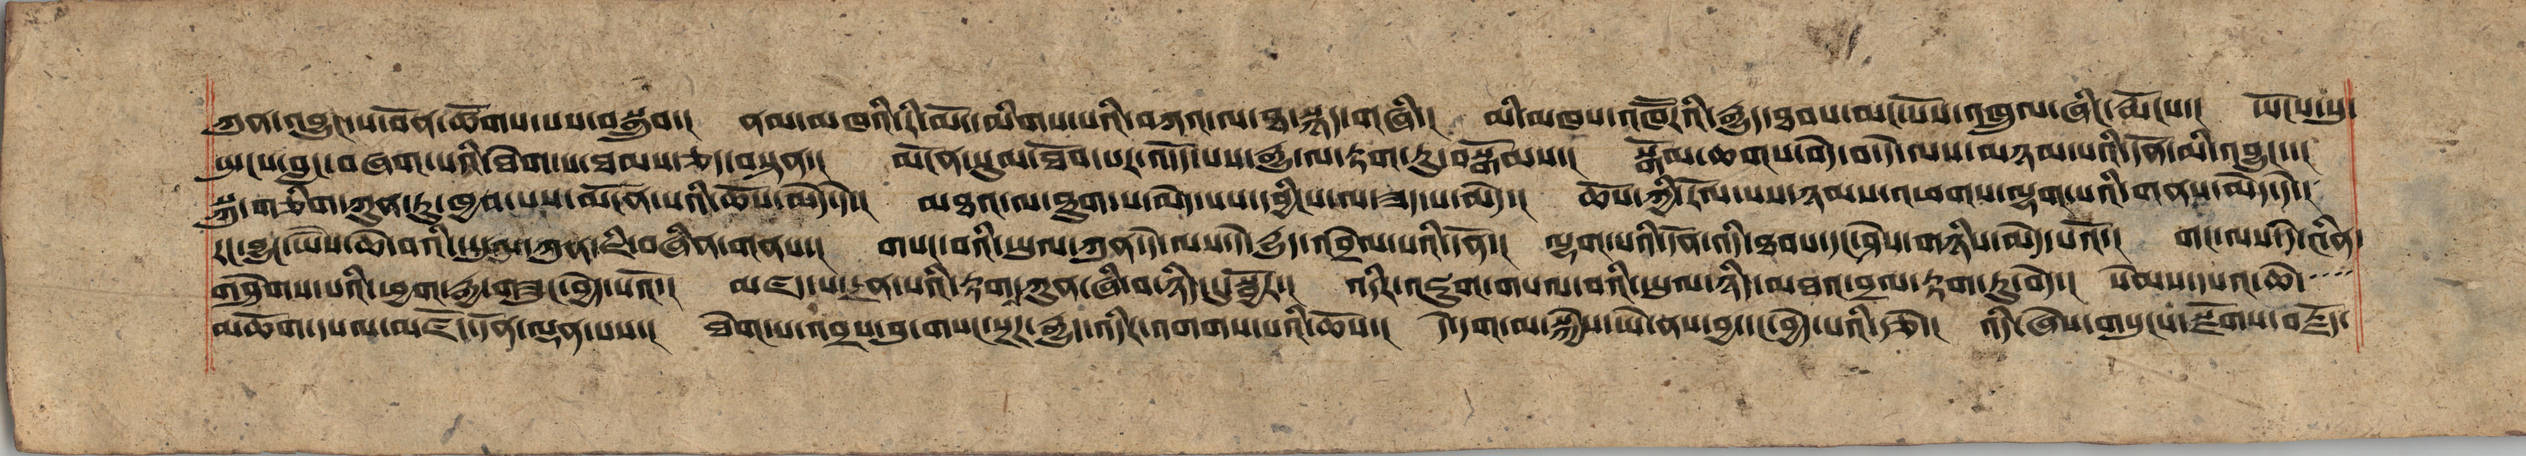ཀུན་འབྱུང་ས་བོན་ཚོགས་པས་བསྒྲུབ་། ནམ་མཁའི་རི་མོ་དམིགས་པའི་བཀའ་ལ་ཐ་སྙད་གཞི་། མི་མཁས་འཁཽརའི་རྒྱུད་ཐབས་མང་པོས་འཁྲུལ་ཞིང་རྨོངས་། ཡོངས་སུ་
སྤངས་བླང་བཞག་པའི་ཐེག་པ་ཐམས་ཅད་བསྟན་། མངོན་སུམ་ཐོབ་པར་འདོད་པས་རྒྱུ་ལ་རྟག་ཏུ་བསྒོམས་། སྒོམ་ཆགས་བདེ་བ་དེ་ལས་མཉམ་པའི་དོན་མི་འབྱུང་་།
སྐུ་གཅིག་ཀུན་ཏུ་ཁྱབ་པས་མངོན་པའི་ཆོས་མེད་དེ་། མཐའ་ལ་ཐུག་པ་མེད་པས་དབྱིངས་ལ་ཟད་པ་མེད་། ཆོས་ཀྱི་རོལ་པས་ཉམས་འཕགས་ལྷག་པའི་གནས་མེད་དེ་།
རང་བྱུང་ཡཻས་ཆེ་བའི་ཡུལ་ཀུན་ཇི་བཞིན་གནས་། གསང་བའི་ཡུལ་ཀུན་དེ་ལས་དེ་རྒྱུད་འབྲེལ་པའི་དོན་། ལྷག་པའི་དོན་འདི་ཐབས་དང་ཤེས་གཉིས་མེད་པའོ་། གང་ལས་དེ་༤ིན་
གཤེགས་པའི་ཕྱག་རྒྱ་གཟུང་བྱེད་པའོ་། མཛད་པ་དྲན་པའི་རྟག་ཀུན་ཞི་བ་ཉིད་དུ་སྦྱོར་། འདིར་འཇུག་གསལ་བའི་ཡུལ་ཉིད་མཐའ་བྲལ་རྟག་ཏུ་བདེ་། སེམས་དཔའ་ཆེ་
མཆོག་དཔལ་མཛོད་དོན་ལྡན་པས་། ཐེག་པ་འབྲས་བུ་གསང་སྔཌ་རྒྱུད་འདིར་འགགས་པའི་ཆོས་། དེ་དག་མ་སྐྱེས་ཡེ་ནས་བྱ་དང་བྱེད་པའི་རྩེ་། འདི་ཞེས་གསུངས་སྫོགས་བརྗོད་